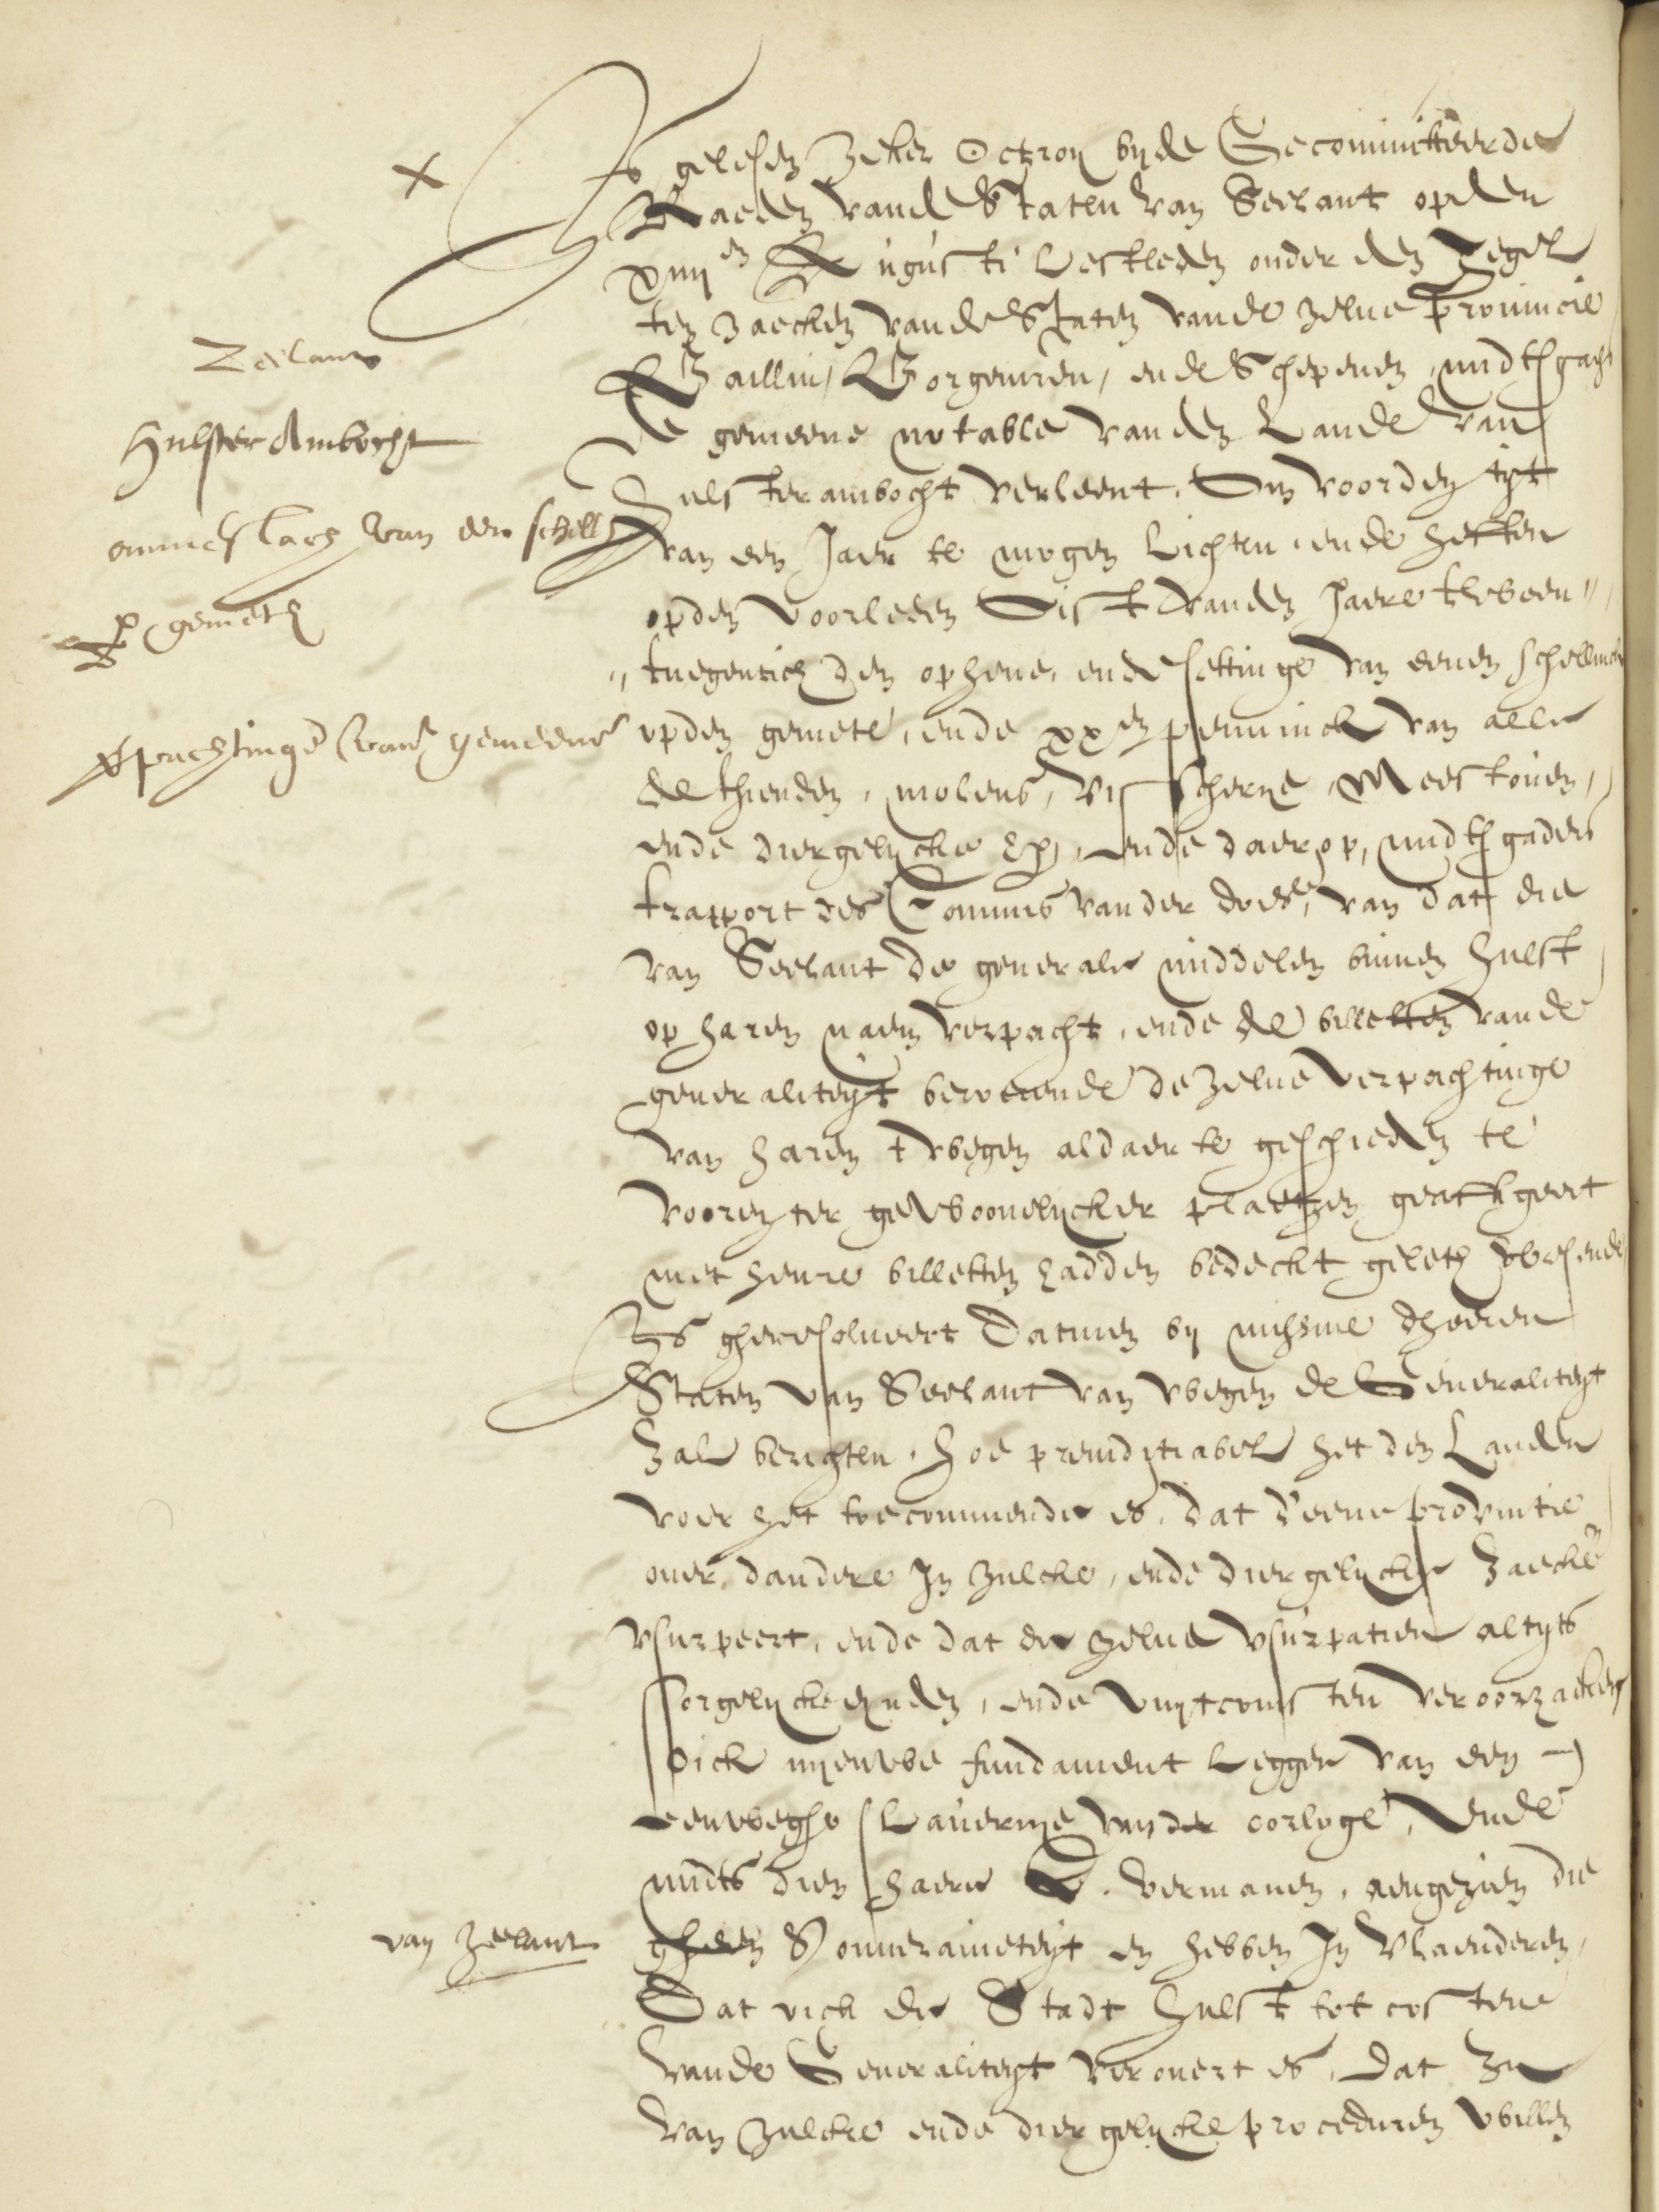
Zeelant
Hulster Ambocht
ommeslach van een schell
p gemeth
vpachtinge vant gemeene
van Zeelant
Is gelesen zeker octroy by de Gecommitteerde
Raeden vande Staten van Seelant opden
xiiijen Augusti lestleden onder den Zegel
ten zaecken vande Staten vande zelue prouincie
Bailliu, Borgemren, ende Schepenen, midtsgads
de gemeene notable vanden Lande van
Hulsterambocht verleent, Om voorden tijt
van een Jaer te mogen lichten, ende heffen
opden voorleden Oist van den Jaere tween„
„tnegentich den opheue, ende settinge van eenen schellinck
opden gemete, ende xxen penninck van alle
de thienden, molens, visschereye, Meestouen,
ende diergelycke etc. ende daerop, midtsgaders
trapport des Commis van der Does, van dat die
van Seelant de generale middelen binnen Hulst
op haren naem verpacht, ende de billetten van de
generaliteijt beroerende de zelue verpachtinge
van haren twegen aldaer te geschieden te
vooren ter gewoonelycker plaetzen geaffigeert
met heure billetten hadden bedeckt geleth wesende
Is geresolueert datmen by missive dheeren
Staten van Seelant van wegen de Generaliteyt
zal berichten, hoe preiuditiabel het den Landen
voer het toecommende es, dat d‛eene provintie
ouer dandere In zulcke, ende diergelycke zaecken
vsurpeert, ende dat de zelue vsurpatien altyts
sorgelyck eynden, ende vuytcomsten veroorzaeken
oick nyeuwe fundament leggen van een —
eeuweghe slauernye vande oorlogh, ende
mits dien haere E. vermanen, aengezien die
gheen Souueraineteijt en hebben In Vlaenderen,
dat oick die Stadt Hulst tot costene
vande Generaliteyt verouert es, dat zy
van zulcke ende diergelycke proceduren willen
